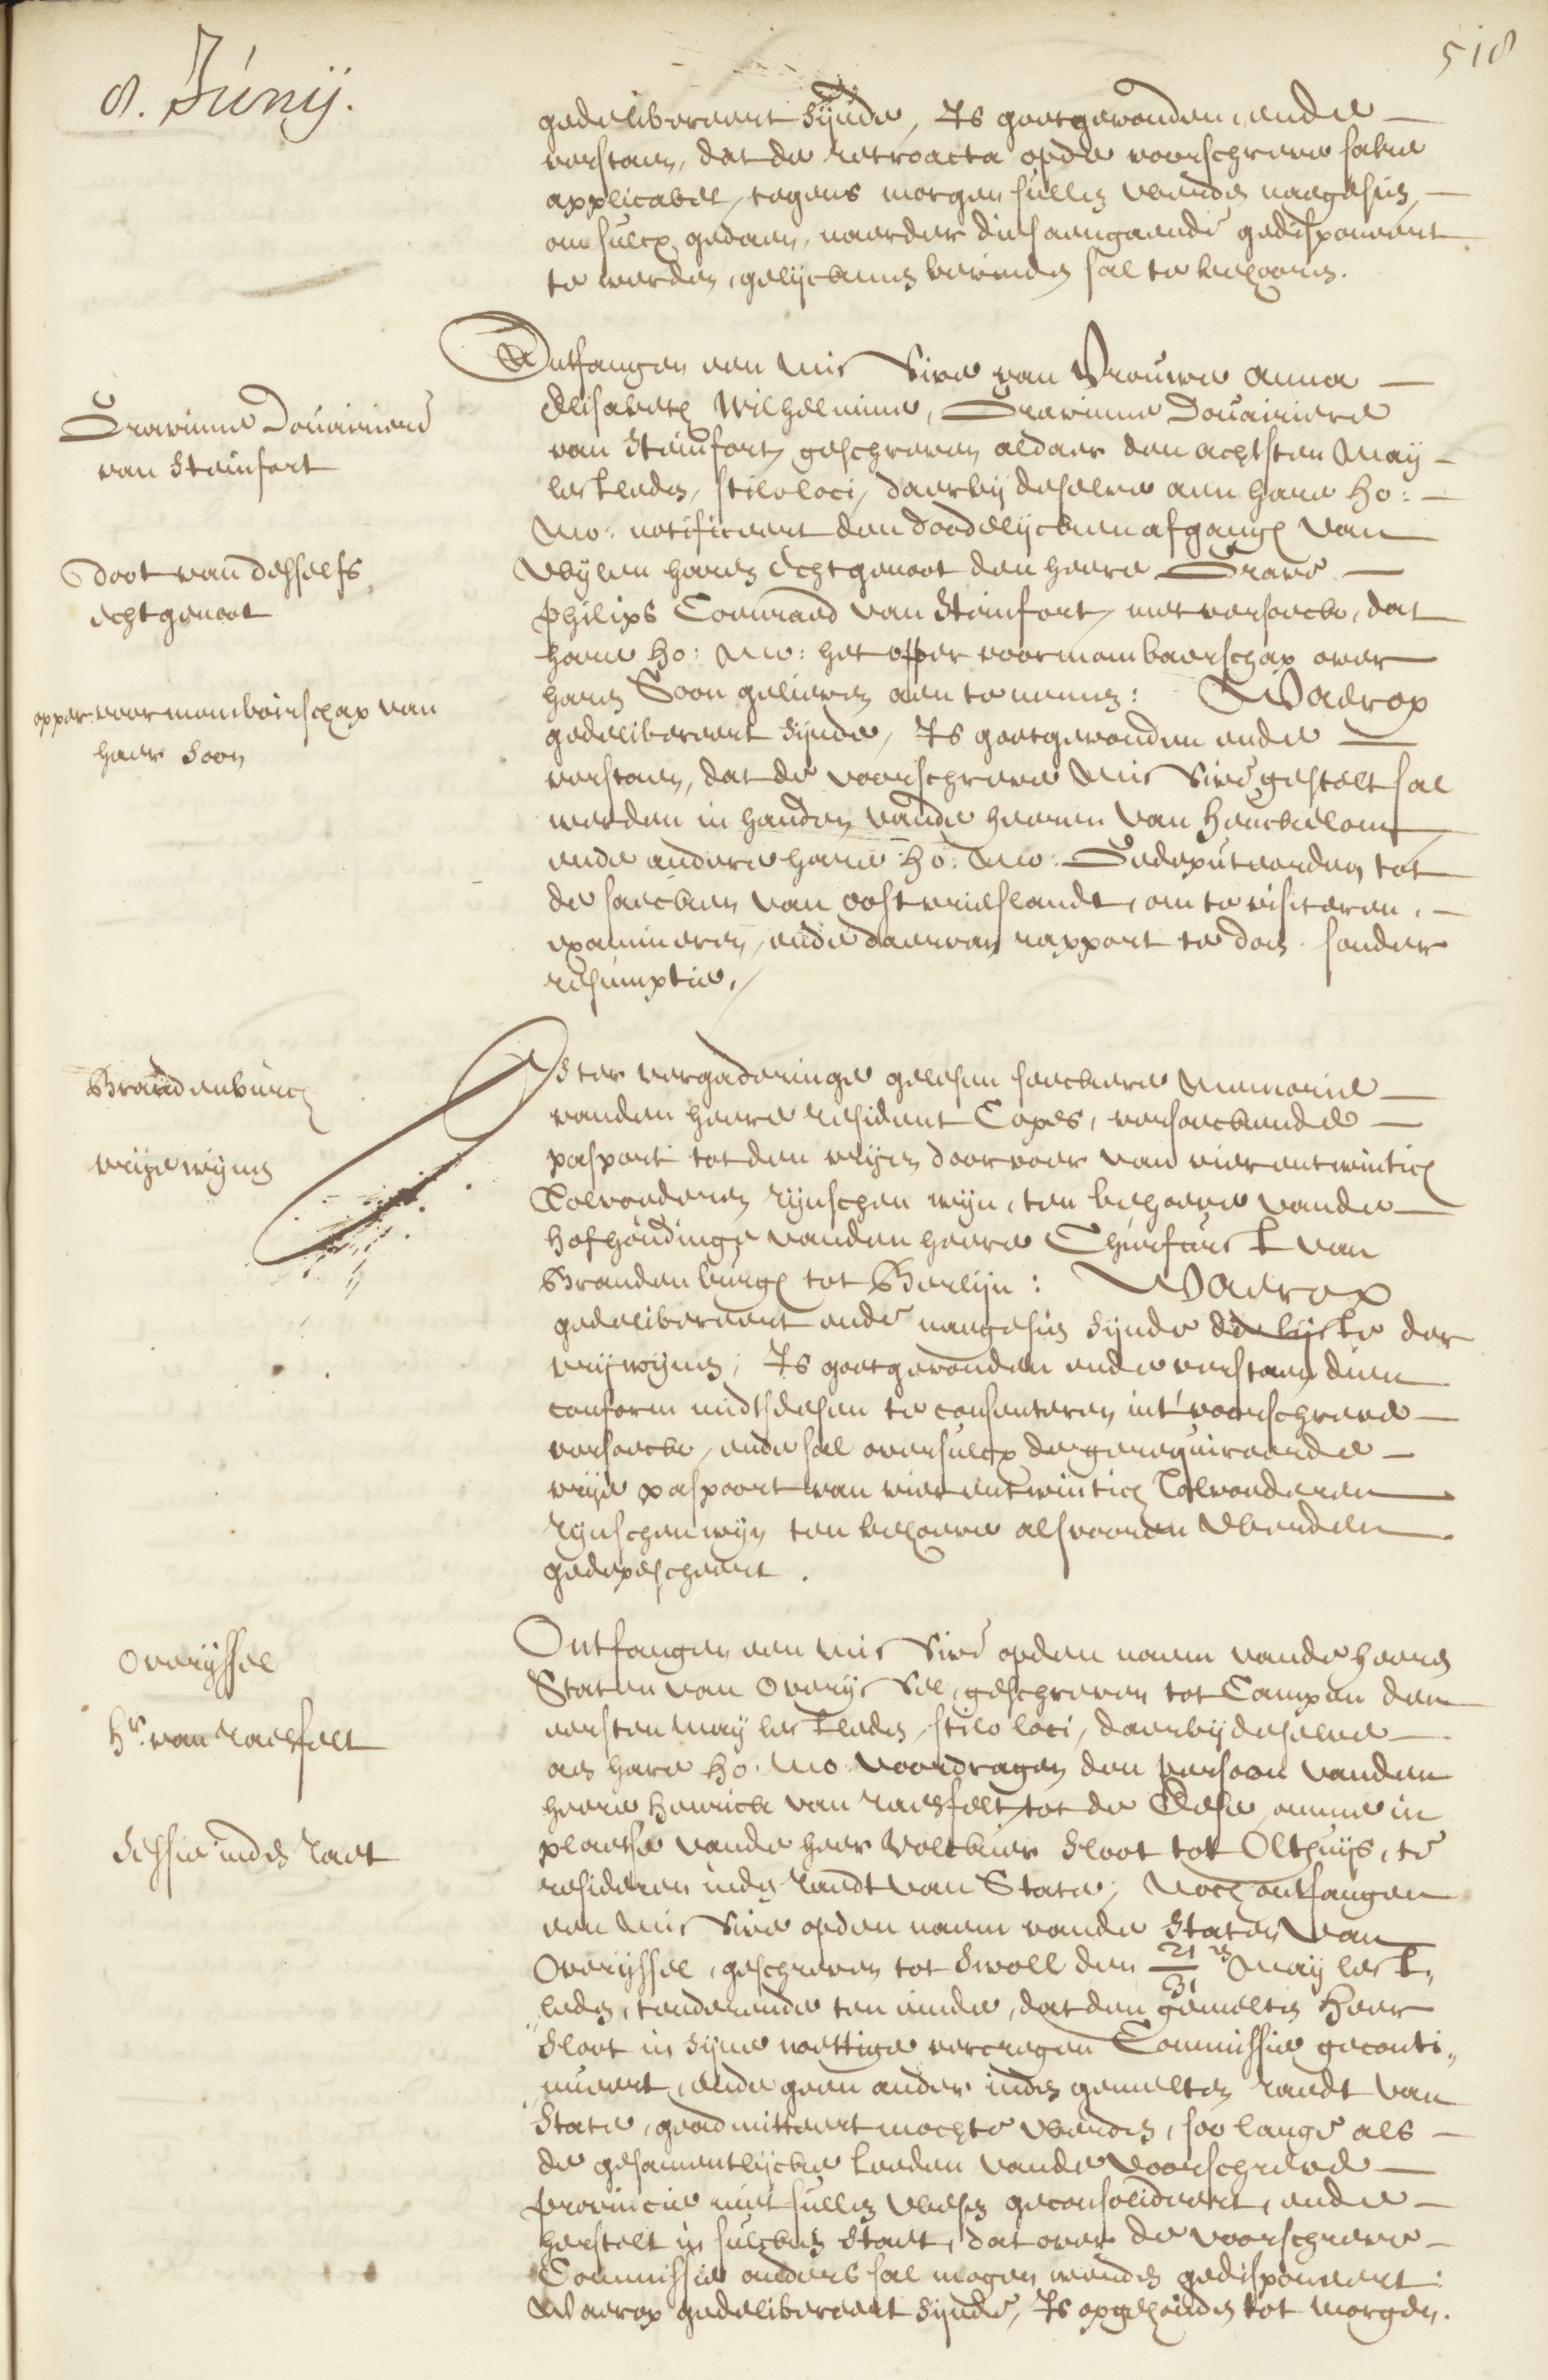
518
8. Junij.
gedelibereert sijnde, Is goetgevonden, ende
verstaen, dat de retroacta opde voorschreve sake
applicabel, tegens morgen sullen werden naegesien,
om sulcx gedaen, naerder diesaengaende gedisponeert
te werden, gelijck men bevinden sal te behooren.
Gravinne Douairiere
van Steinfort
doot van desselfs
echtgenoot
opper voormomboirschap van
haer Soon
Ontfangen een Missive van Vrouwe Anna
Elisabeth Wilhelmine, Gravinne Douairiere
van Steinfort, geschreven aldaer den achtsten Maij
lestleden, stilo loci, daerbij deselve aen hare Ho:
Mo: notificeert den doodelijcken afgangh van
Wijlen haren Echtgenoot den heere Grave
Philips Coenraed van Steinfort, met versoeck, dat
hare Ho:Mo: het opper voormombaerschap over
haren Soon gelieven aen te nemen: Waerop
gedelibereert sijnde, Is goetgevonden ende —
verstaen, dat de voorschreve Missive gestelt sal
werden in handen vande heeren van Heuckelom,
ende andere hare Ho:Mo: Gedeputeerden tot
de saecken van oostvrieslandt, om te visiteren,
examineren, ende daervan rapport te doen. sonder
resumptie.
Brandenburch
vrije wijnen
Is ter vergaderinge gelesen seeckere Memorie
vanden heere resident Copes, versoeckende
pasport tot den vrijen doorvoer van vierentwintich
Tolvoederen rijnschen wijn, ten behoeve vande
hofhoudinge vanden heere Churfurst van
Brandenburgh tot Berlijn: Waerop
gedelibereert ende naegesien sijnde de lijste der
vrijwijnen; Is goetgevonden ende verstaen dien
conform midtsdesen te consenteren int‛ voorschreve
versoeck, ende sal oversulcx de gerequireerde
vrije paspoort van vierentwintich Tolvoederen
rijnschen wijn ten behoeve alsvooren werden
gedepescheert.
Overijssel
Hr. van Raesfelt
Sessie inden Raet
Ontfangen een Missive opden naem vande heeren
Staten van Overijssel, geschreven tot Campen den
eersten Maij lestleen, stilo loci, daerbij deselve
aen hare Ho:Mo: voordragen den persoon vanden
heere henrick van Raesfelt tot de Eese, omme in
plaetse vande heer Volckier Sloot tot Olthuijs, te
resideren inden Raedt van State; Noch ontfangen
een Missive opden naem vande Staten van
Overijssel, geschreven tot Swoll den 21/31en Maij lest,,
„leden, tenderende ten einde, dat den gemelten Heer
Sloot in sijne wettige vercregen Commissie geconti,,
„nueert, ende geen ander inden gemelten Raedt van
State, geadmitteert mochte werden, soo lange als
de gesamentlijcke leeden vande voorschreve
provincie niet sullen wesen geconsolideert, ende
herstelt in sulcken staet, dat over de voorschreve
Commissie anders sal mogen werden gedisponeert:
Waerop gedelibereert sijnde, Is opgehouden tot morgen.
